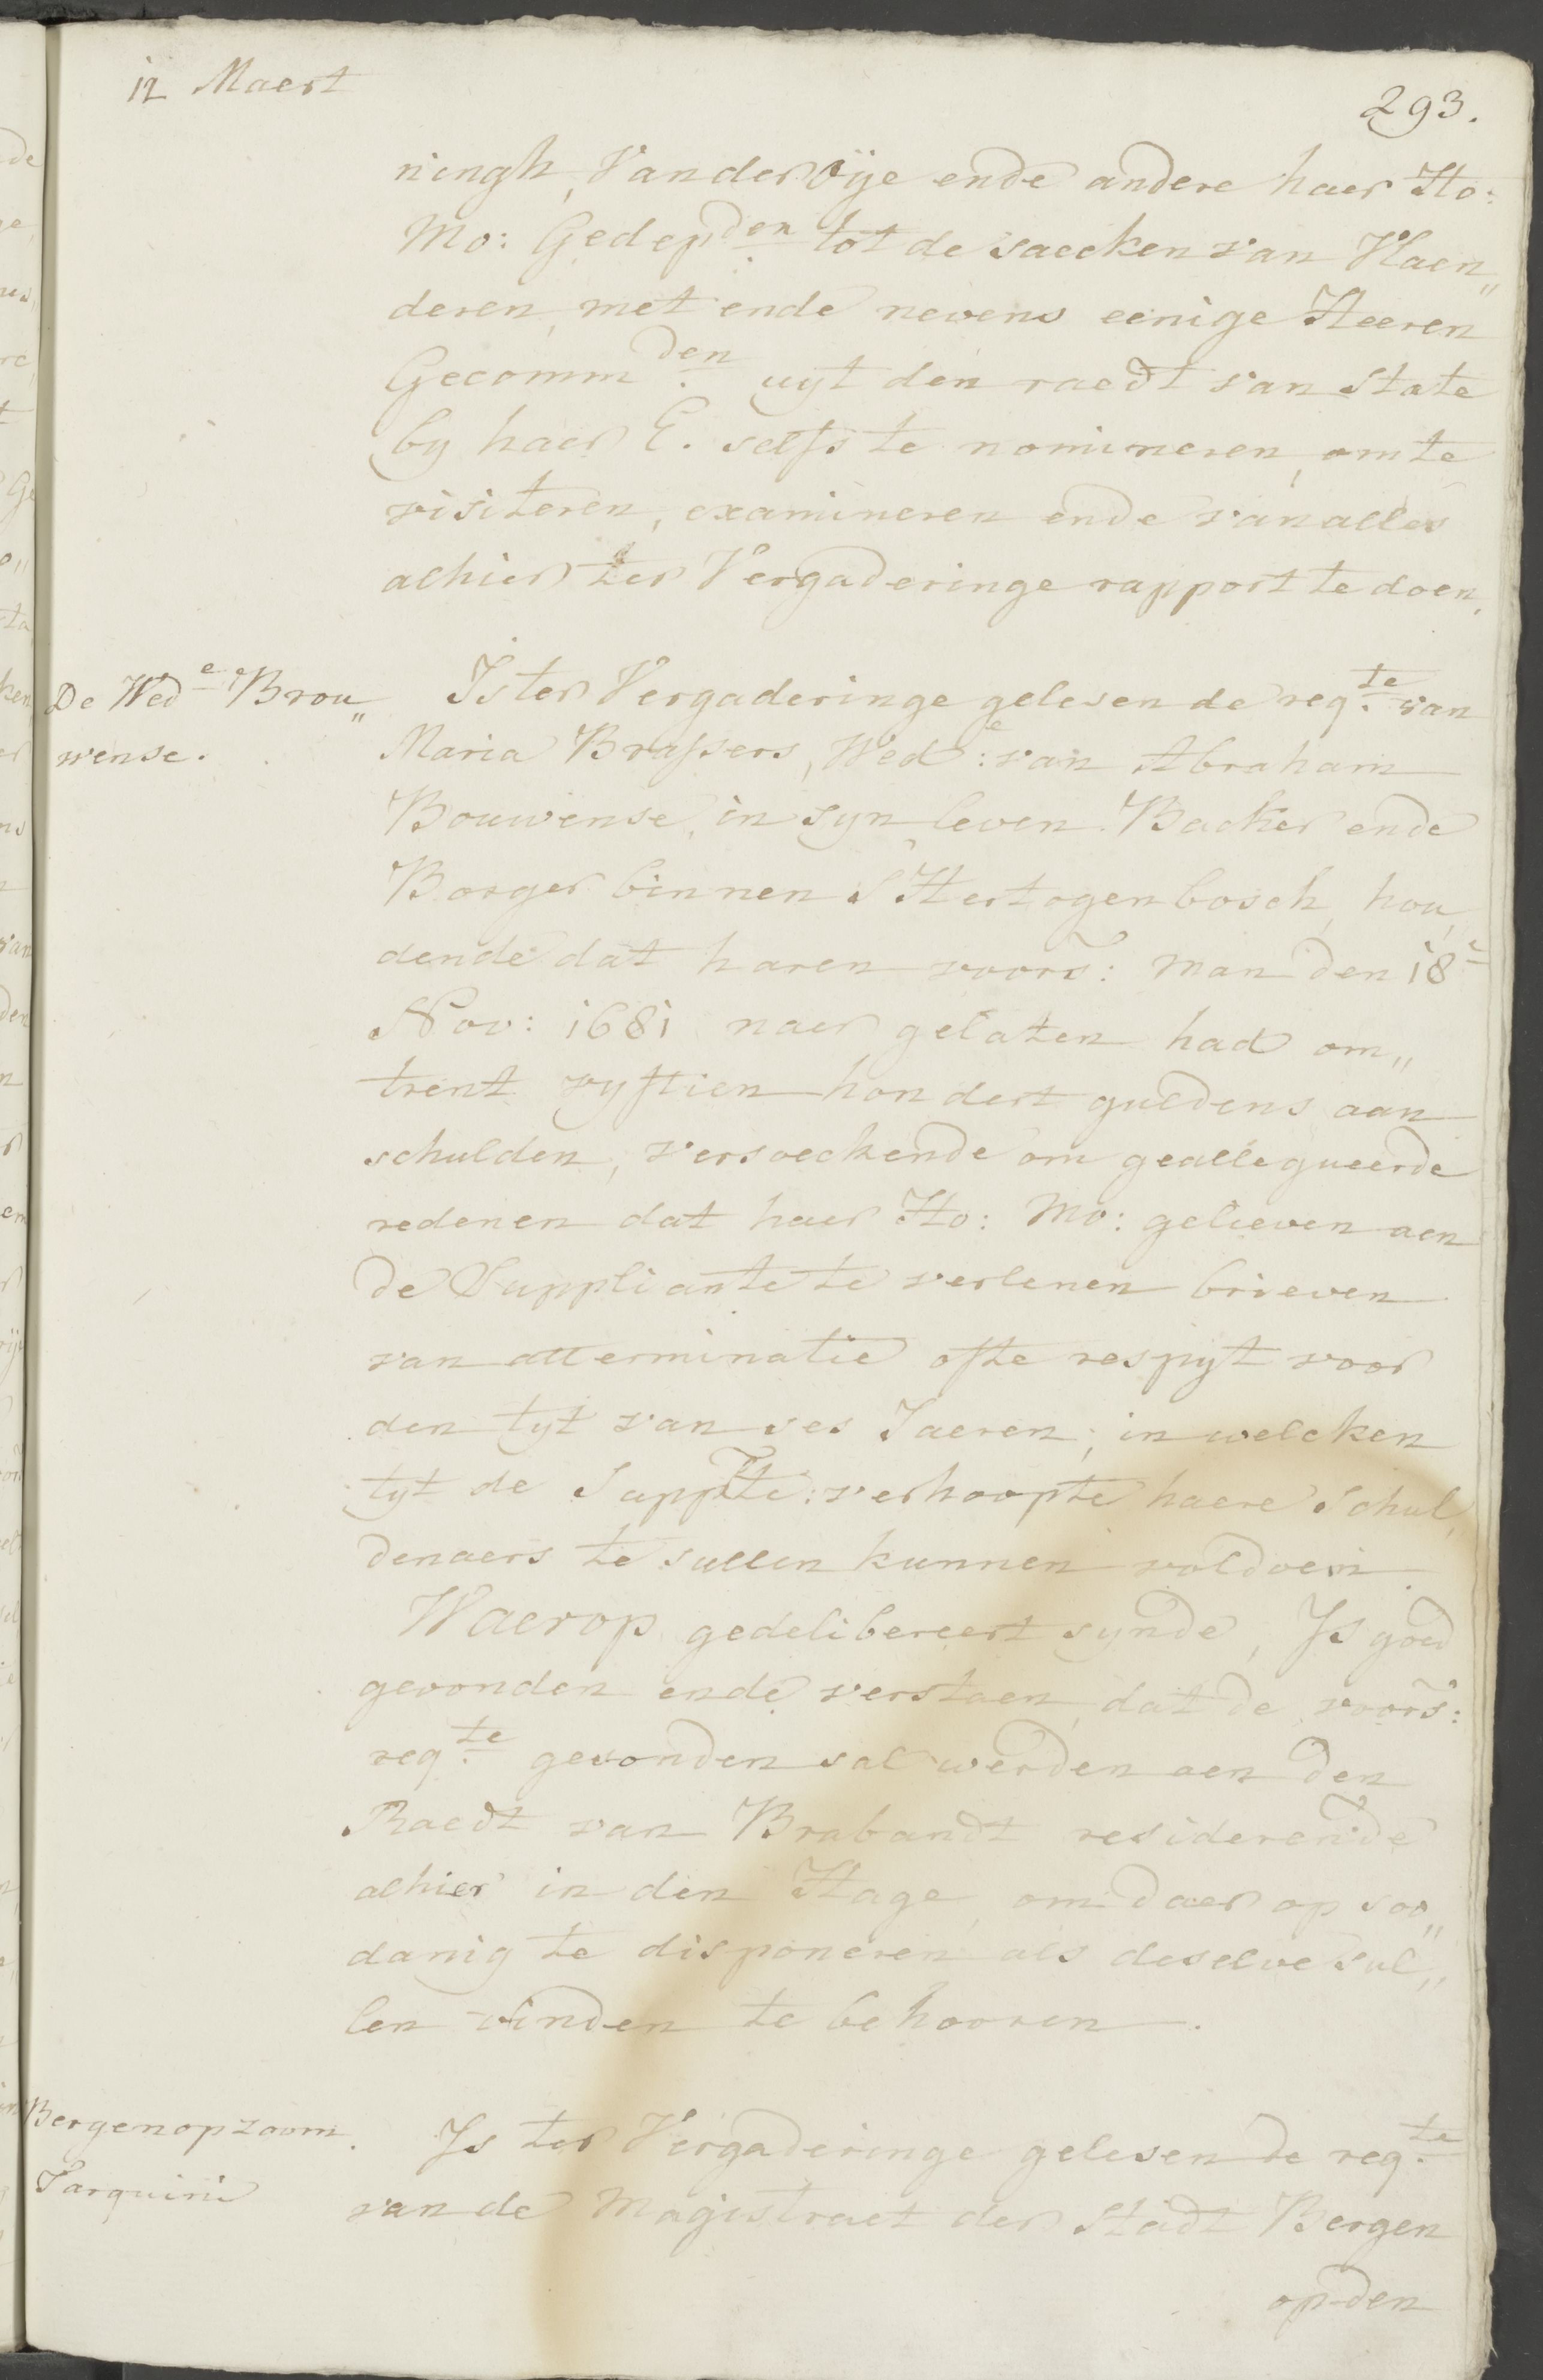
293.
12 Maert
ningh, Vander Oije ende andere haer Ho:
Mo: Gedepden. tot de saecken van Vlaen„
deren, met ende nevens eenige Heeren
Gecommden. uyt den raedt van State
bij haer E. selfs te nomineren, om te
visiteren, examineren ende van alles
alhier ter Vergaderinge rapport te doen.
De Wede Brou„
wense.
Is ter Vergaderinge gelesen de reqte. van
Maria Brassers, Wede: van Abraham
Bouwense, in syn leven Backer ende
Borger binnen s'Hertogenbosch hou„
dende dat haren voors: man 18e
Nov: 1681 naer gelaten had om„
trent vijftien hondert guldens aan
schulden, versoeckende om geallegueerde
redenen dat haer Ho: Mo: gelieven aen
de Suppliante te verlenen brieven
van atterminatie ofte respijt voor
den tijt van ses Jaeren in welcken
tijt de Supplte: verhoopte haere Schul„
denaers ze sullen kunnen voldoen.
Waerop gedelibereert synde, Is goed
gevonden ende verstaen dat de voors:
reqte gevonden sal werden aen den
Raedt van Brabandt residerende
alhier in den Hage om daer op soo„
danig te disponeren als deselve sul„
len vinden te behooren.
Bergen op Zoom
Tarquini
Is ter Vergaderinge gelesen de reqte.
van de Magistraet der Stadt Bergen
op den
